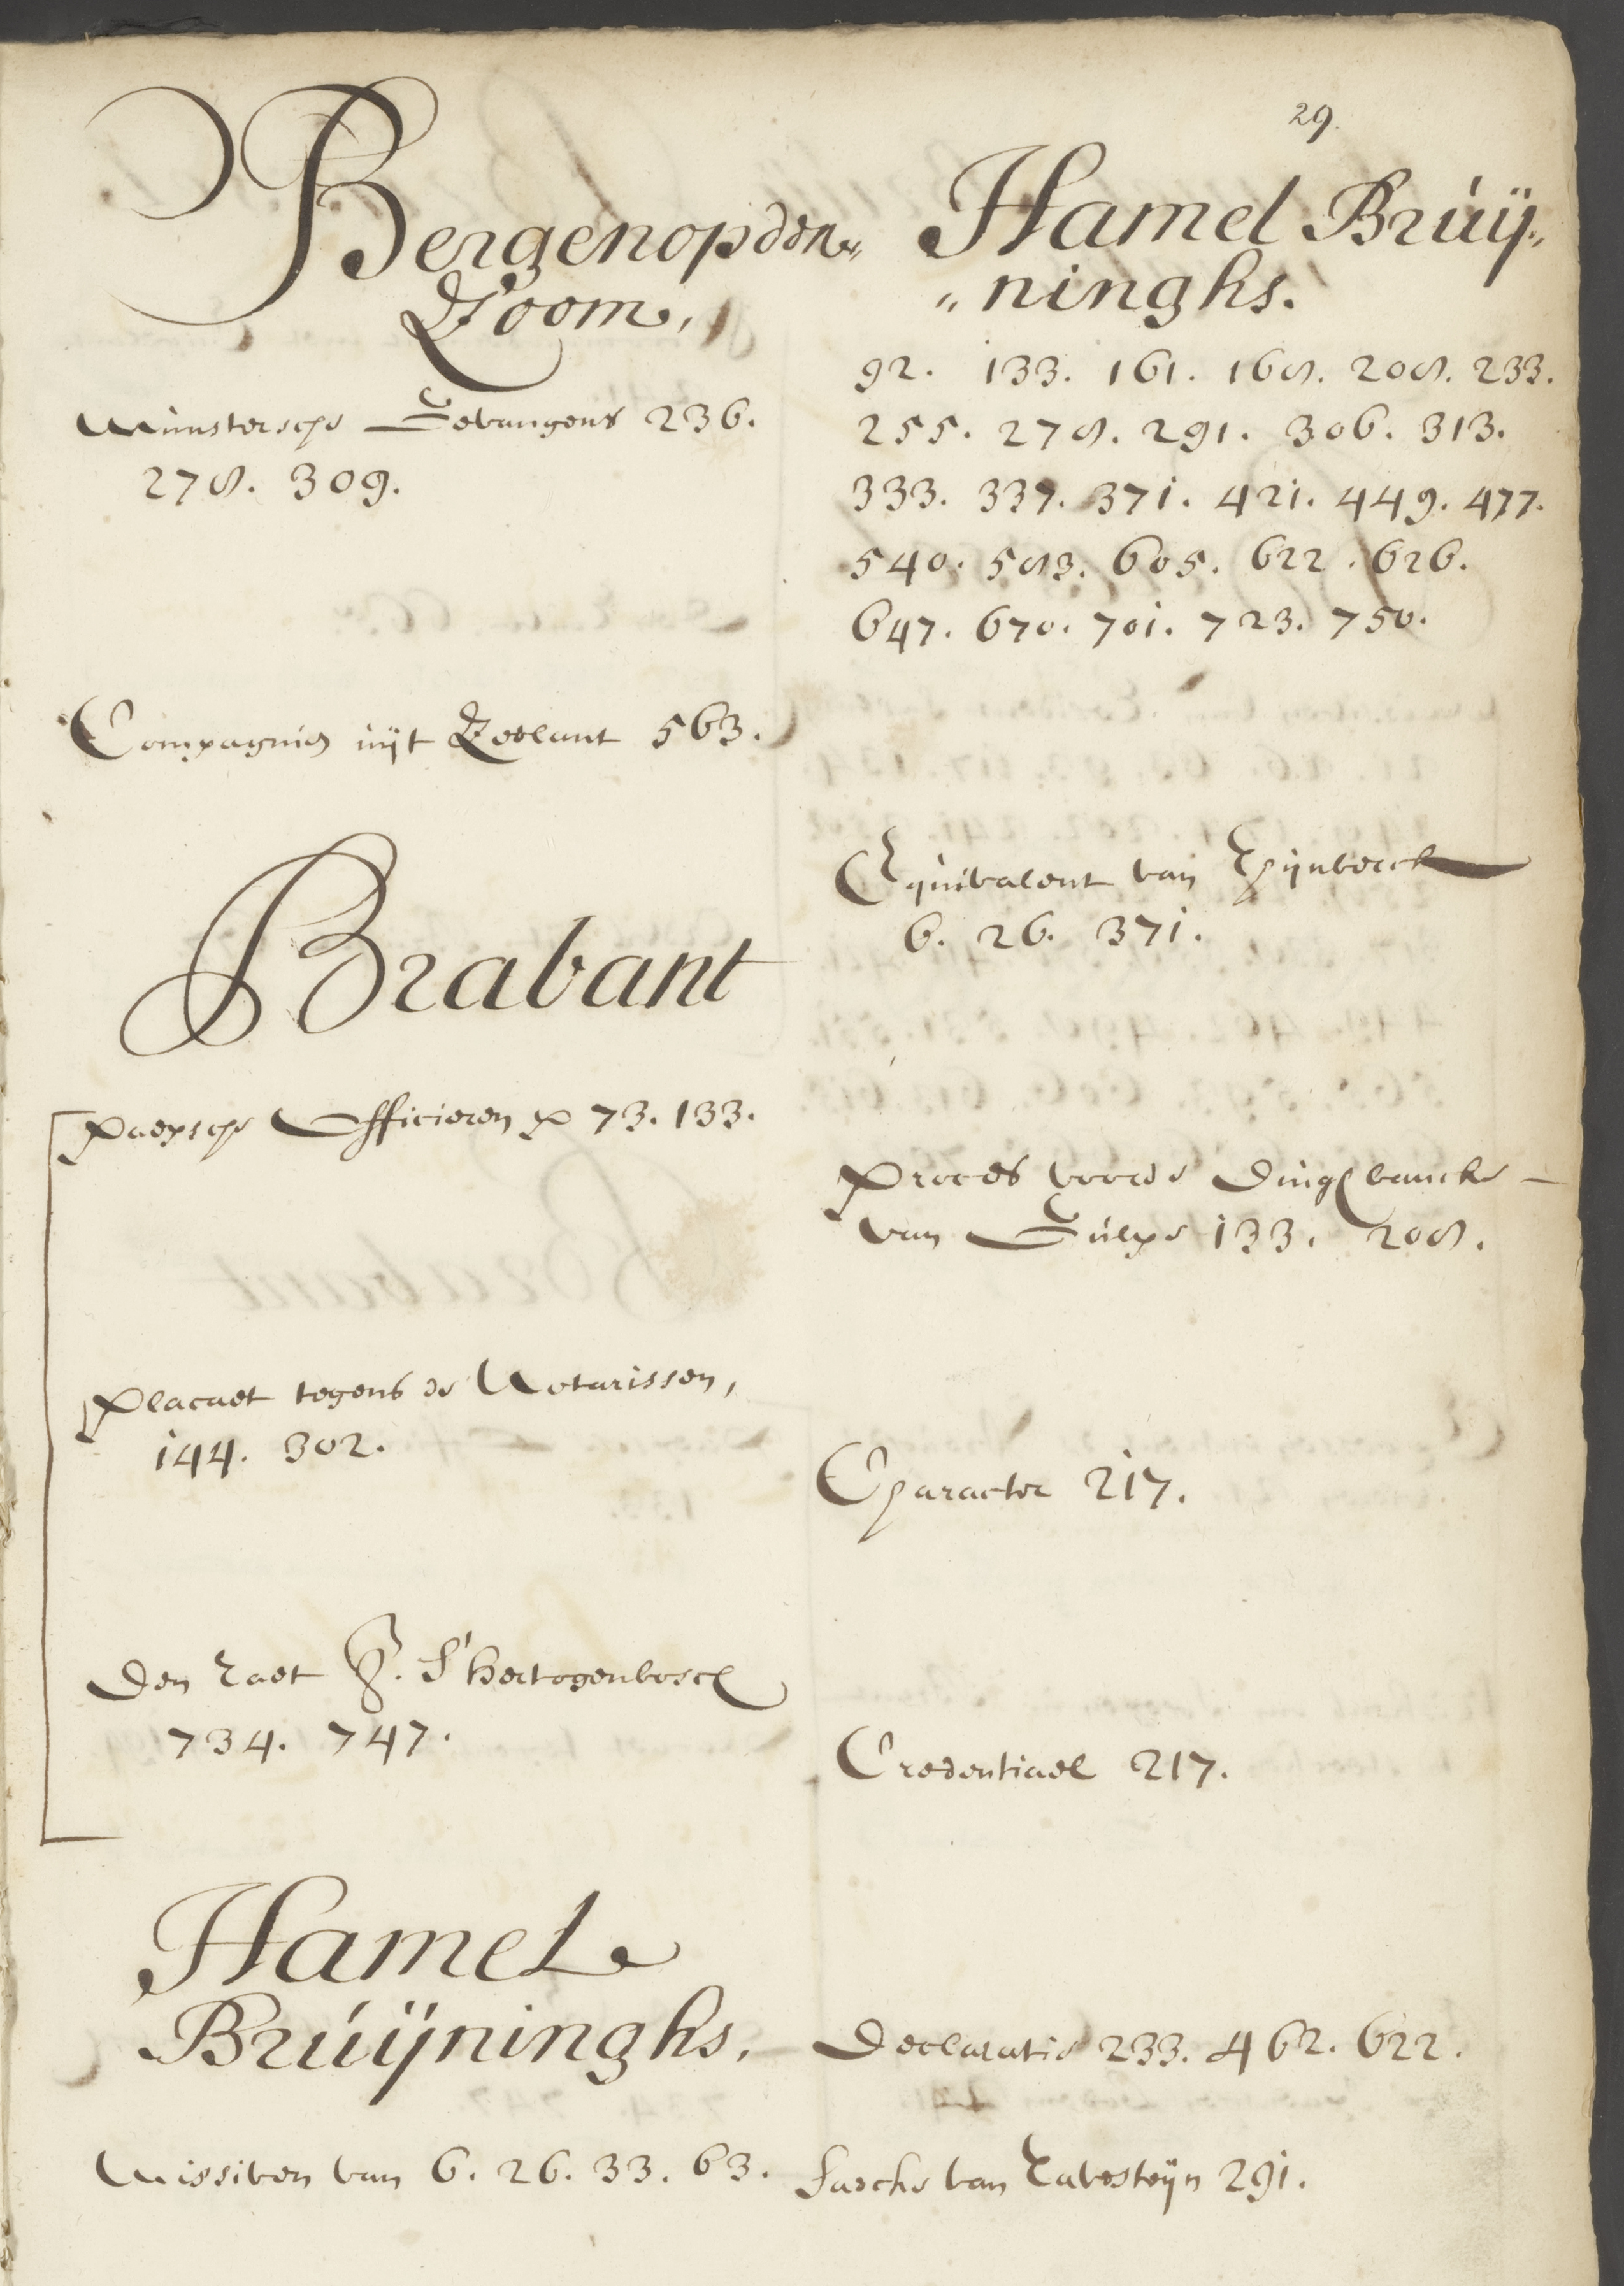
29
Bergen op den,,
Zoom.
Munstersche Gevangens 236.
278, 309.
Compagnien uijt Zeelant 563.
Brabant
paepsche Officieren p 73. 133.
placaet tegens de notarissen
144, 302.
Den raet ca. s'Hertogenbosch
734. 747.
Hamel
Bruijninghs
missiven van 6, 26, 33, 63.
Hamel Bruij,,
,,ninghs.
92, 133, 161, 168, 208, 233,
255, 278, 291, 306, 313.
333, 337, 371, 421, 449, 477.
540, 583, 605, 622, 626.
647, 670, 701, 723, 750.
Equivalent van Rhijnberck
6, 26, 371.
Proces voorde Dinghbanck
van Gulpe 133, 208.
Character 217.
Credentiael 217.
Declaratie 233, 462, 622.
Saecke van ravesteijn 291.
